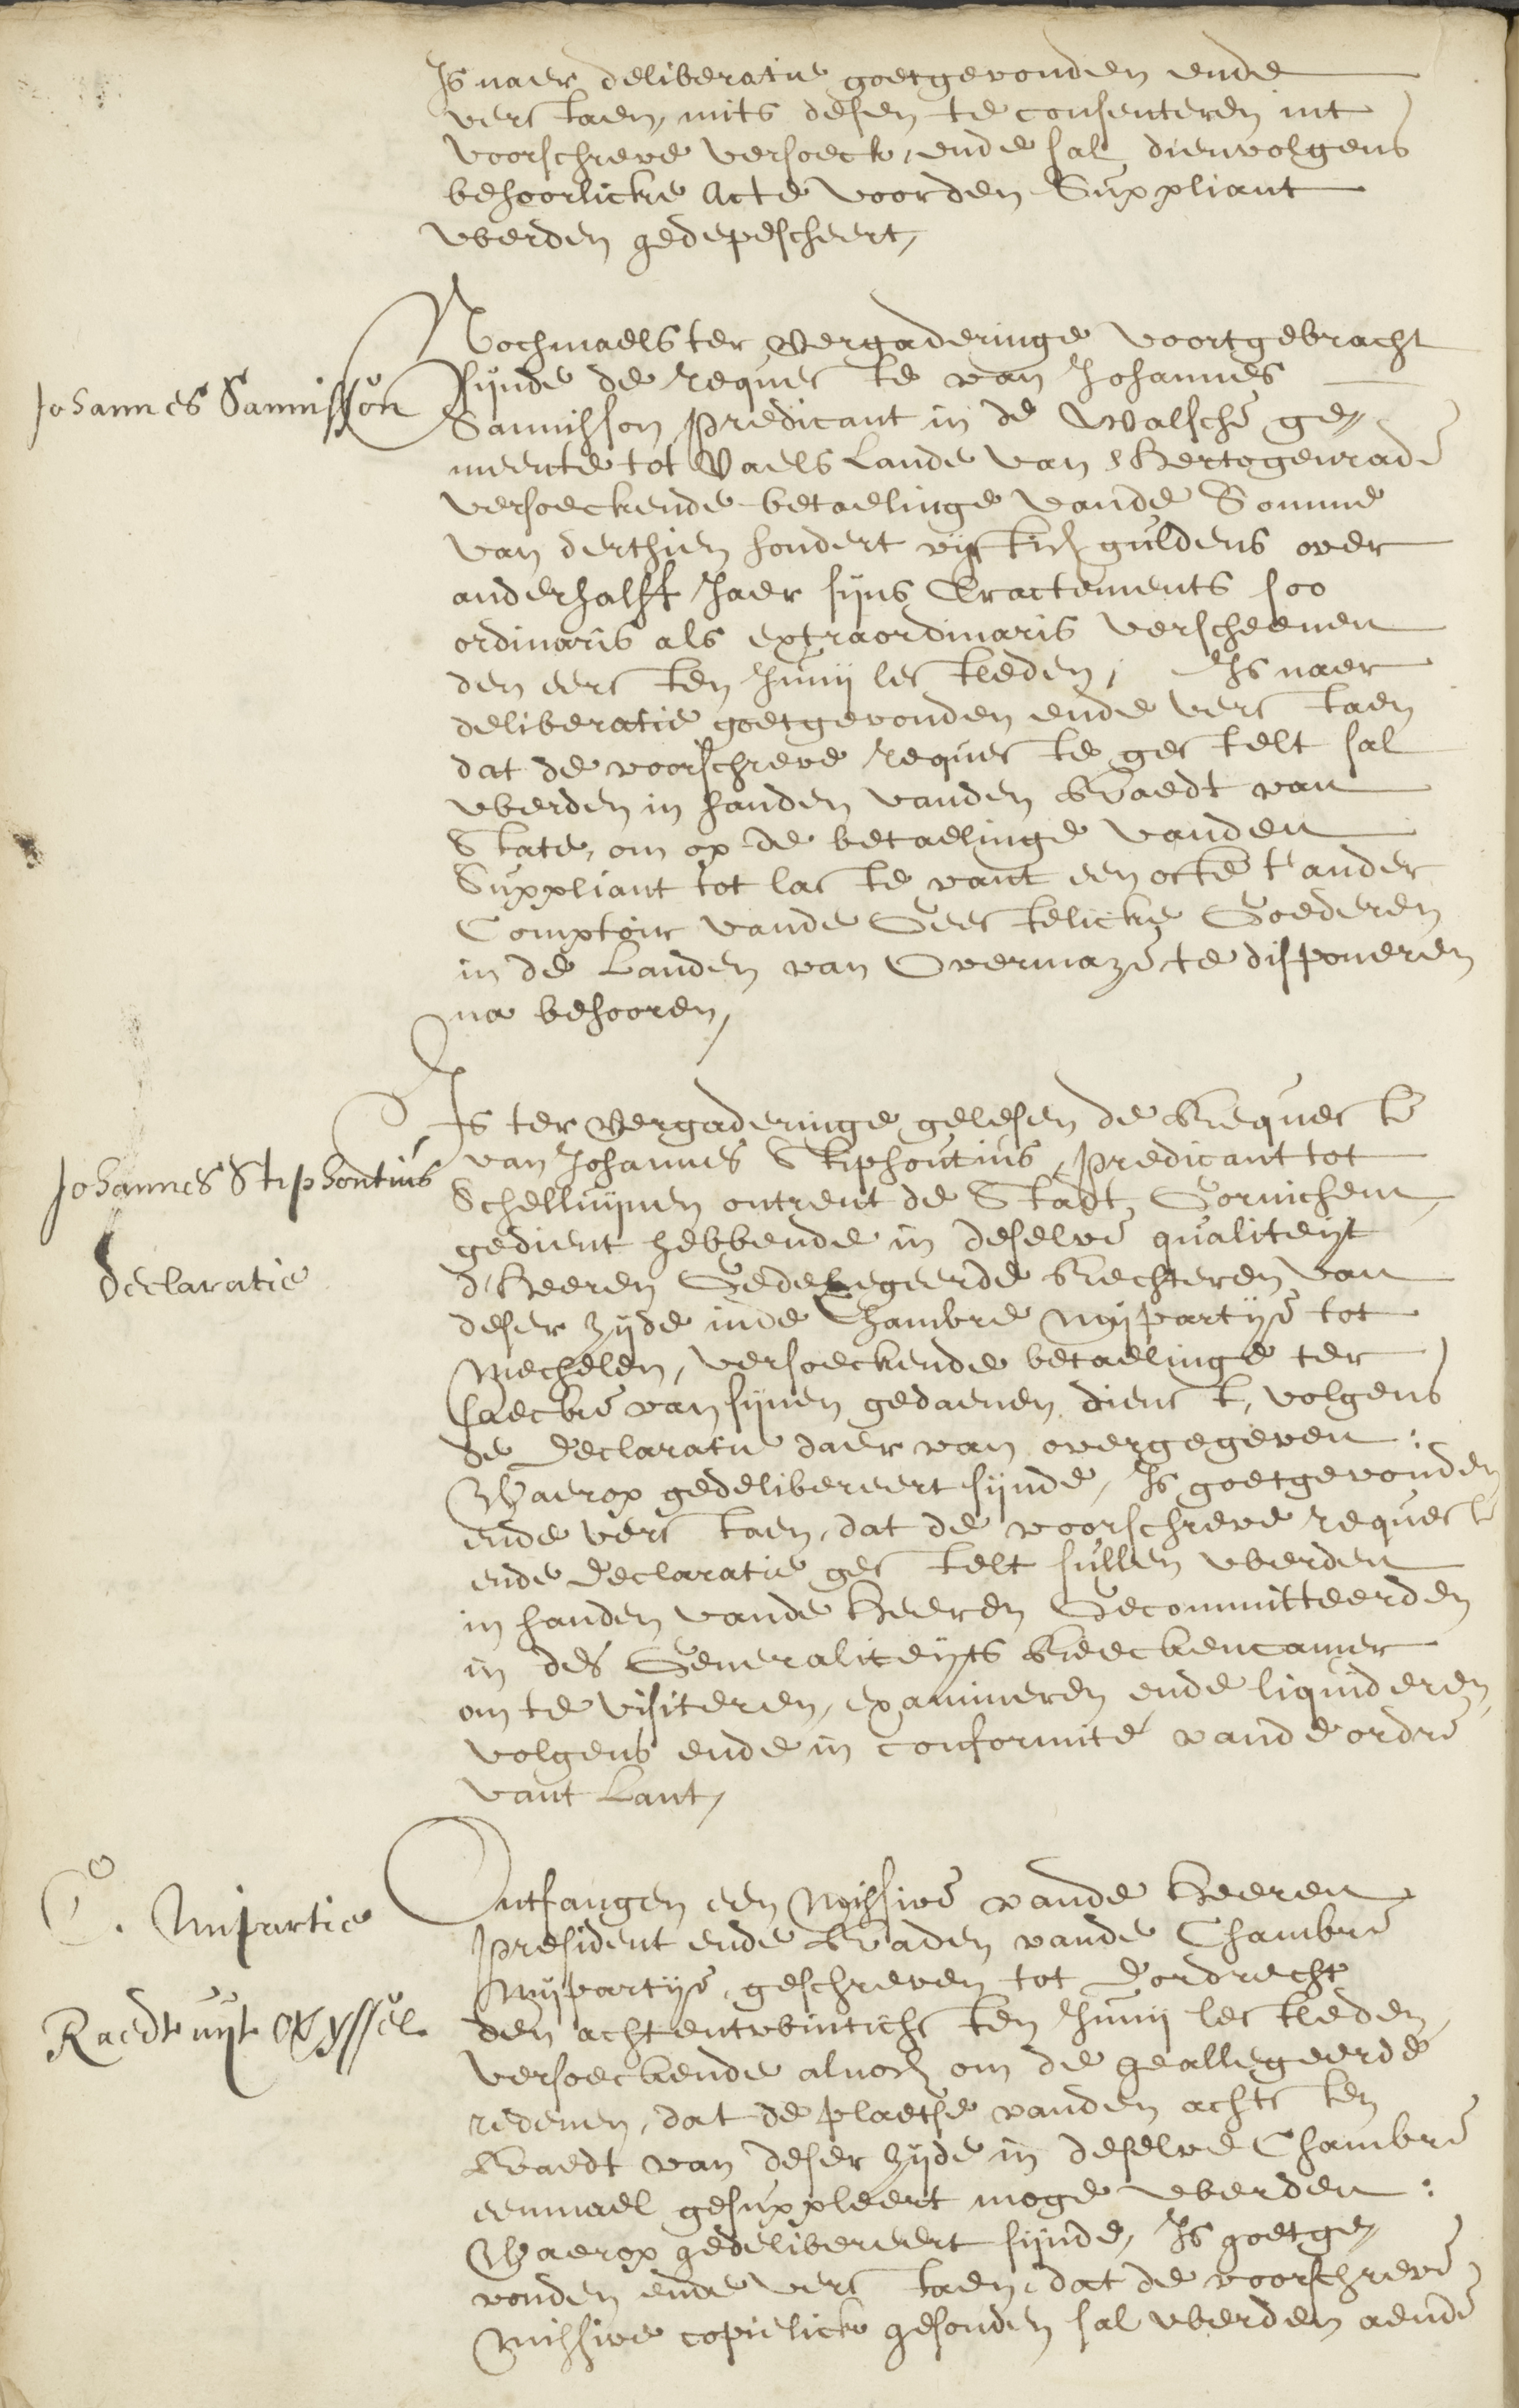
Is naer deliberatie goetgevonden ende
verstaen, mits desen te consenteren int
voorschreve versoeck, ende sal dienvolgens
behoorlicke Acte voorden Suppliant
werden gedepescheert.
Johannes Sannisson
Nochmaels ter Vergaderinge voortgebracht
sijnde de requeste van Johannes
Sannisson predicant in de Walsche ge„
meente tot Vaels Lande van sHertogenrade
versoeckende betaelinge vande Somme
van derthien hondert vijftich guldens over
anderhalff Jaer sijns Tractements soo
ordinaris als extraordinaris verscheenen
den eersten Junij lestleden, Is naer
deliberatie goetgevonden ende verstaen
dat de voorschreve requeste gestelt sal
werden in handen vanden Raedt van
State, om op de betaelinge vanden
Suppliant tot laste vant een ofte t‛ander
Comptoir vande Geestelicke Goederen
in de Landen van Overmaze, te disponeren
na behooren.
Johannes Stiphoutius
declaratie
Is ter Vergaderinge gelesen de Requeste
van Johannes Stiphoutius, predicant tot
Schelluijnen ontrent de Stadt Gorinchem,
gedient hebbende in deselve qualiteijt
d‛Heeren Gedelegeerde Rechteren van
deser zijde inde Chambre Mijpartije tot
Mechelen, versoeckende betaelinge ter
saecke van sijnen gedaenen dienst, volgens
de declaratie daer van overgegeven:
Waerop gedelibereert sijnde, Is goetgevonden
ende verstaen, dat de voorschreve requeste
ende declaratie gestelt sullen werden
in handen vande Heeren Gecommitteerden
in des Generaliteijts Reeckencamer
om te visiteren, examineren ende liquideren,
volgens ende in conformité vande ordre
vant Lant.
Ce. Mipartie
Raedt uijt Ovyssel
Ontfangen een Missive vande Heeren
president ende Raden vande Chambre
Mijpartije, geschreven tot Dordrecht
den achtentwintichsten Junij lestleden,
versoeckende alnoch om de geallegeerde
redenen, dat de plaetse vanden achtsten
Raedt van deser zijde in deselve Chambre
eenmael gesuppleert moge werden:
Waerop gedelibereert sijnde, Is goetge„
vonden ende verstaen, dat de voorschreve
missive copielick gesonden sal werden aende
